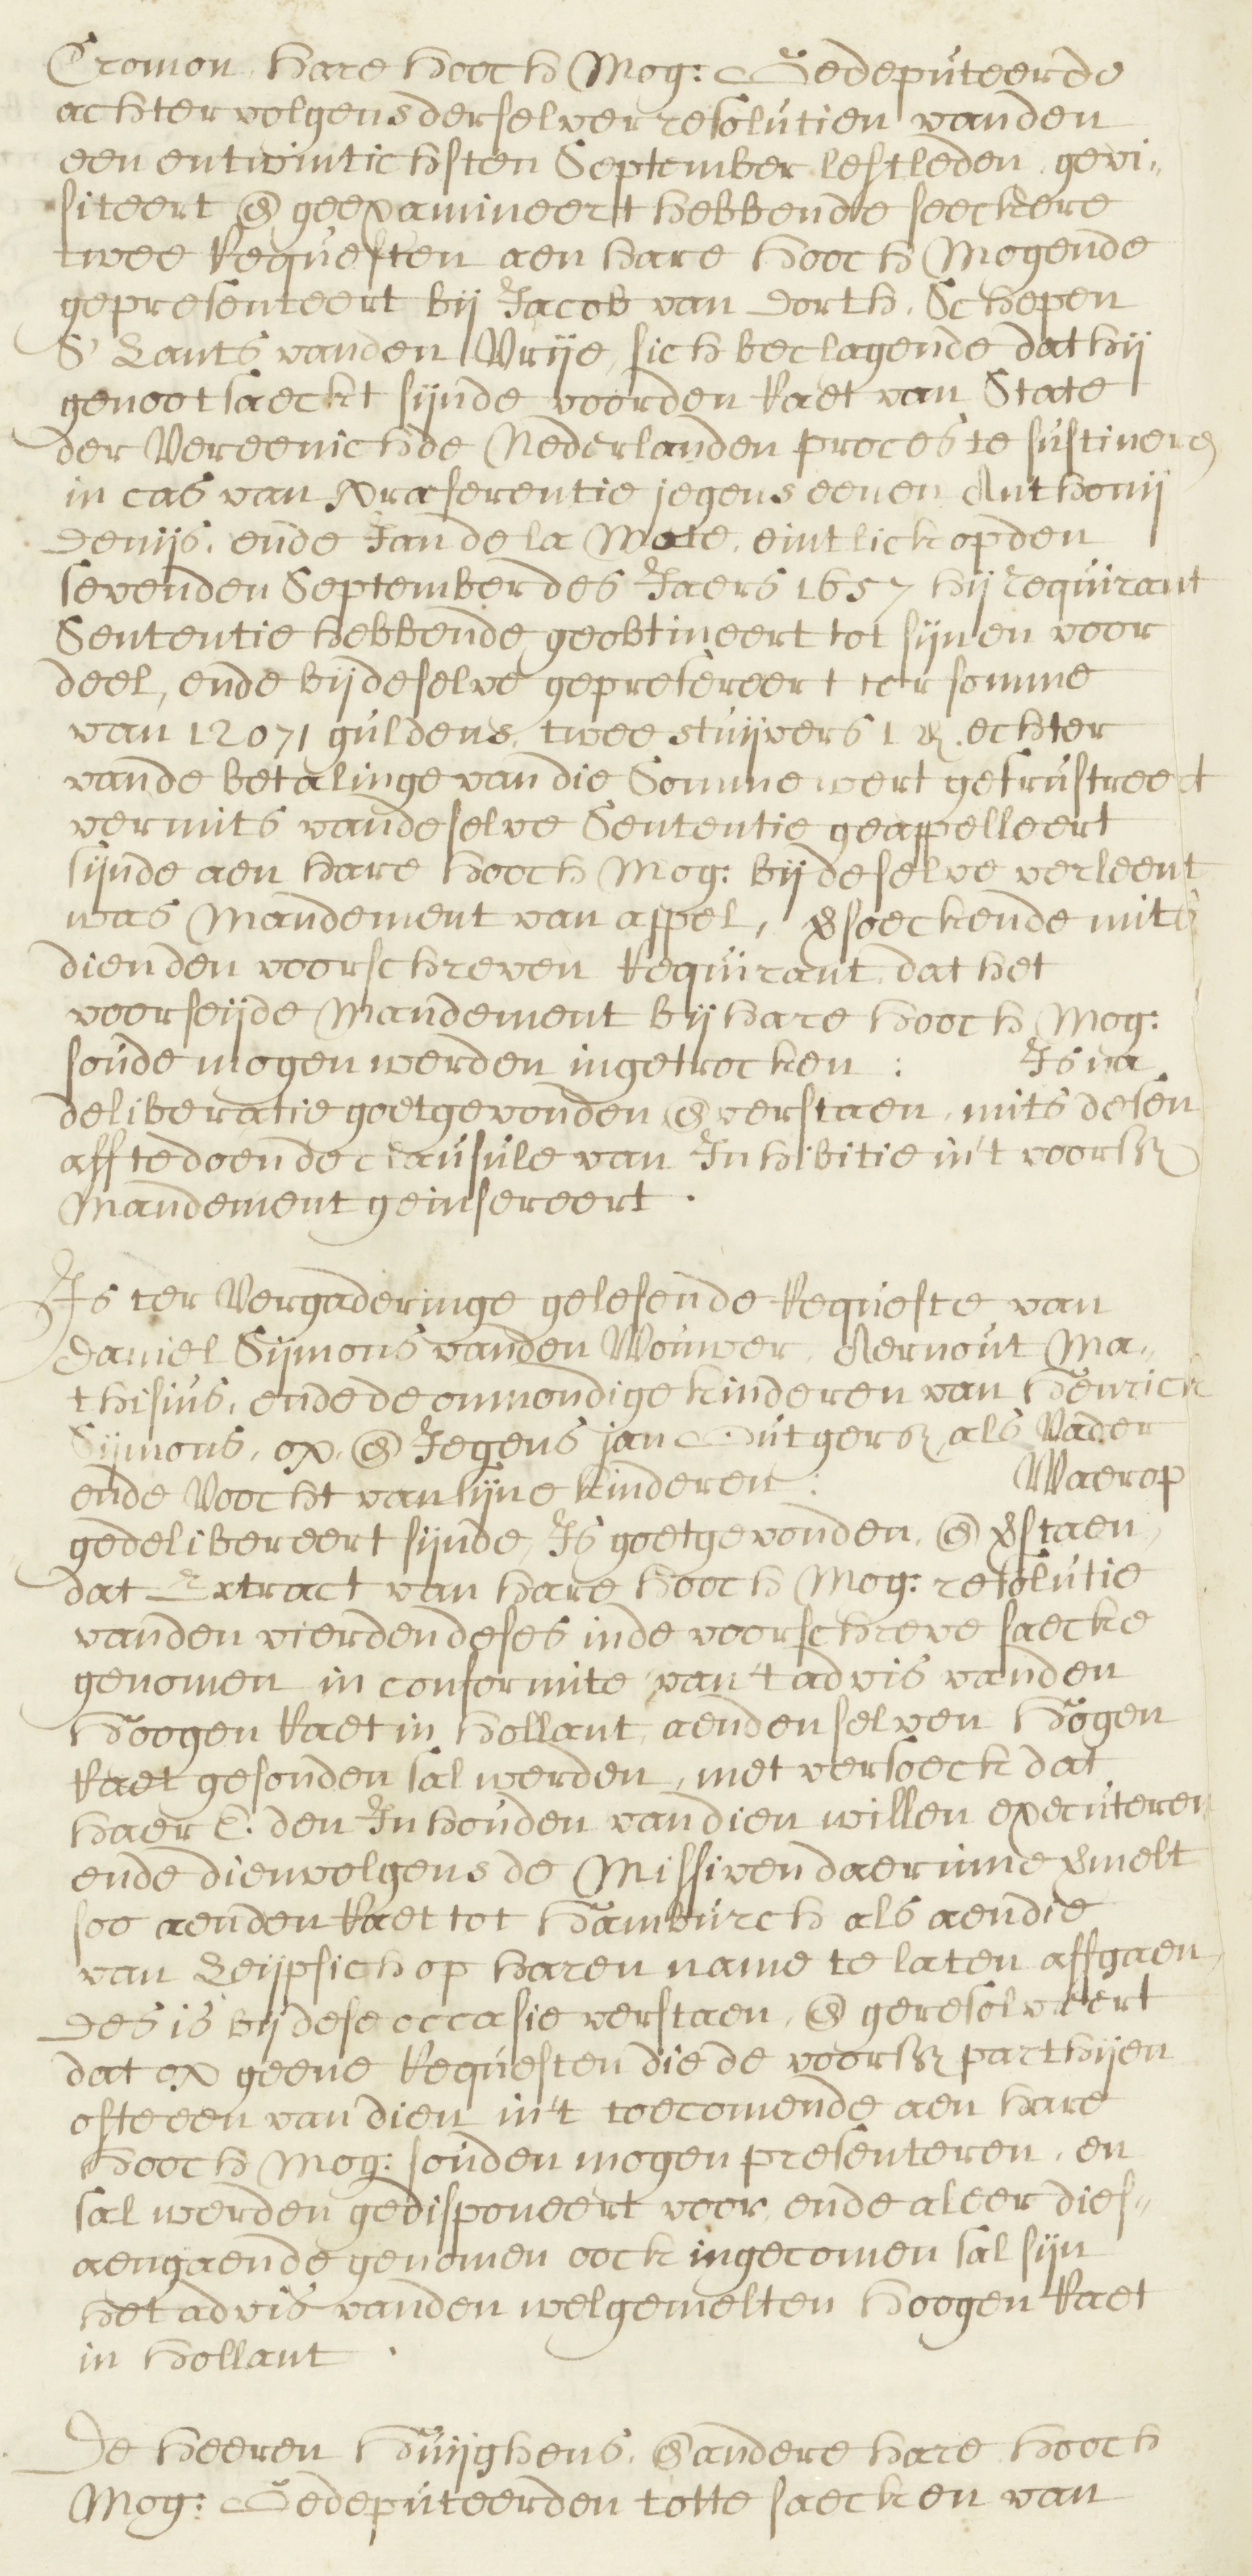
Cromon, hare Hooch Mog: Gedeputeerde
achtervolgens derselver resolutien vanden
een entwintichsten September lestleden, gevi„
siteert & geexamineert hebbende seeckere
twee Requesten aen hare Hooch Mogende
gepresenteert bij Jacob van Dorth, Schepen
S‛Lants vanden Vrije sich beclagende dat hij
genootsaeckt sijnde voorden Raet van State
der Vereenichde Nederlanden proces te sustineren
in cas van præferentie jegens eenen Anthonij
Denijs, ende Jan de la Mote, eintlick opden
sevenden September des Jaers 1657 hij requirant
Sententie hebbende geobtineert tot sijnen voor
deel, ende bij deselve geprefereert ter somme
van 12071 guldens, twee stuijvers 1 p. echter
vande betalinge van die Somme wert gefrustreert
vermits vandeselve Sententie geappelleert
sijnde aen hare hooch Mog: bij deselve verleent,
was Mandement van appel, vsoeckende mits
dien den voorschreven Requirant, dat het
voorseijde Mandement bij hare Hooch Mog:
soude mogen werden ingetrocken: Is na
deliberatie goetgevonden, & verstaen, mits desen
aff te doen de clausule van Inhibitie in't voors
Mandement geinsereert.
Is ter Vergaderinge gelesen de Requeste van
Daniel Sijmons vanden Wouwer, Aernout Ma„
thisius, ende de onmondige kinderen van Henrick
Sijmons, op & Jegens jan Outgersz als Vader
ende Voocht van sijne kinderen: Waerop
gedelibereert sijnde, Is goetgevonden & vstaen
dat Extract van hare Hooch Mog: resolutie
vanden vierden deses inde voorschreve saecke
genomen in conformité van 't advis vanden
Hoogen Raet in Hollant, aenden selven Hogen
Raet gesonden sal werden, met versoeck dat
haer E. den Inhouden van dien willen executeren
ende dienvolgens de Missiven daerinne vmelt
soo aenden Raet tot Hamburch als aendie
van Leijpsich op haren name te laten affgaen
Des is bij dese occasie verstaen, & geresolveert
dat op geene Requesten die de voors parthijen
ofte een van dien in‛t toecomende aen hare
Hooch Mog: souden mogen presenteren, en
sal werden gedisponeert voor ende aleer dies„
aengaende genomen oock ingecomen sal sijn
het advis vanden welgemelten Hoogen Raet
in Hollant.
De heeren Huijghens, & andere hare Hooch
Mog: Gedeputeerden totte saecken van
